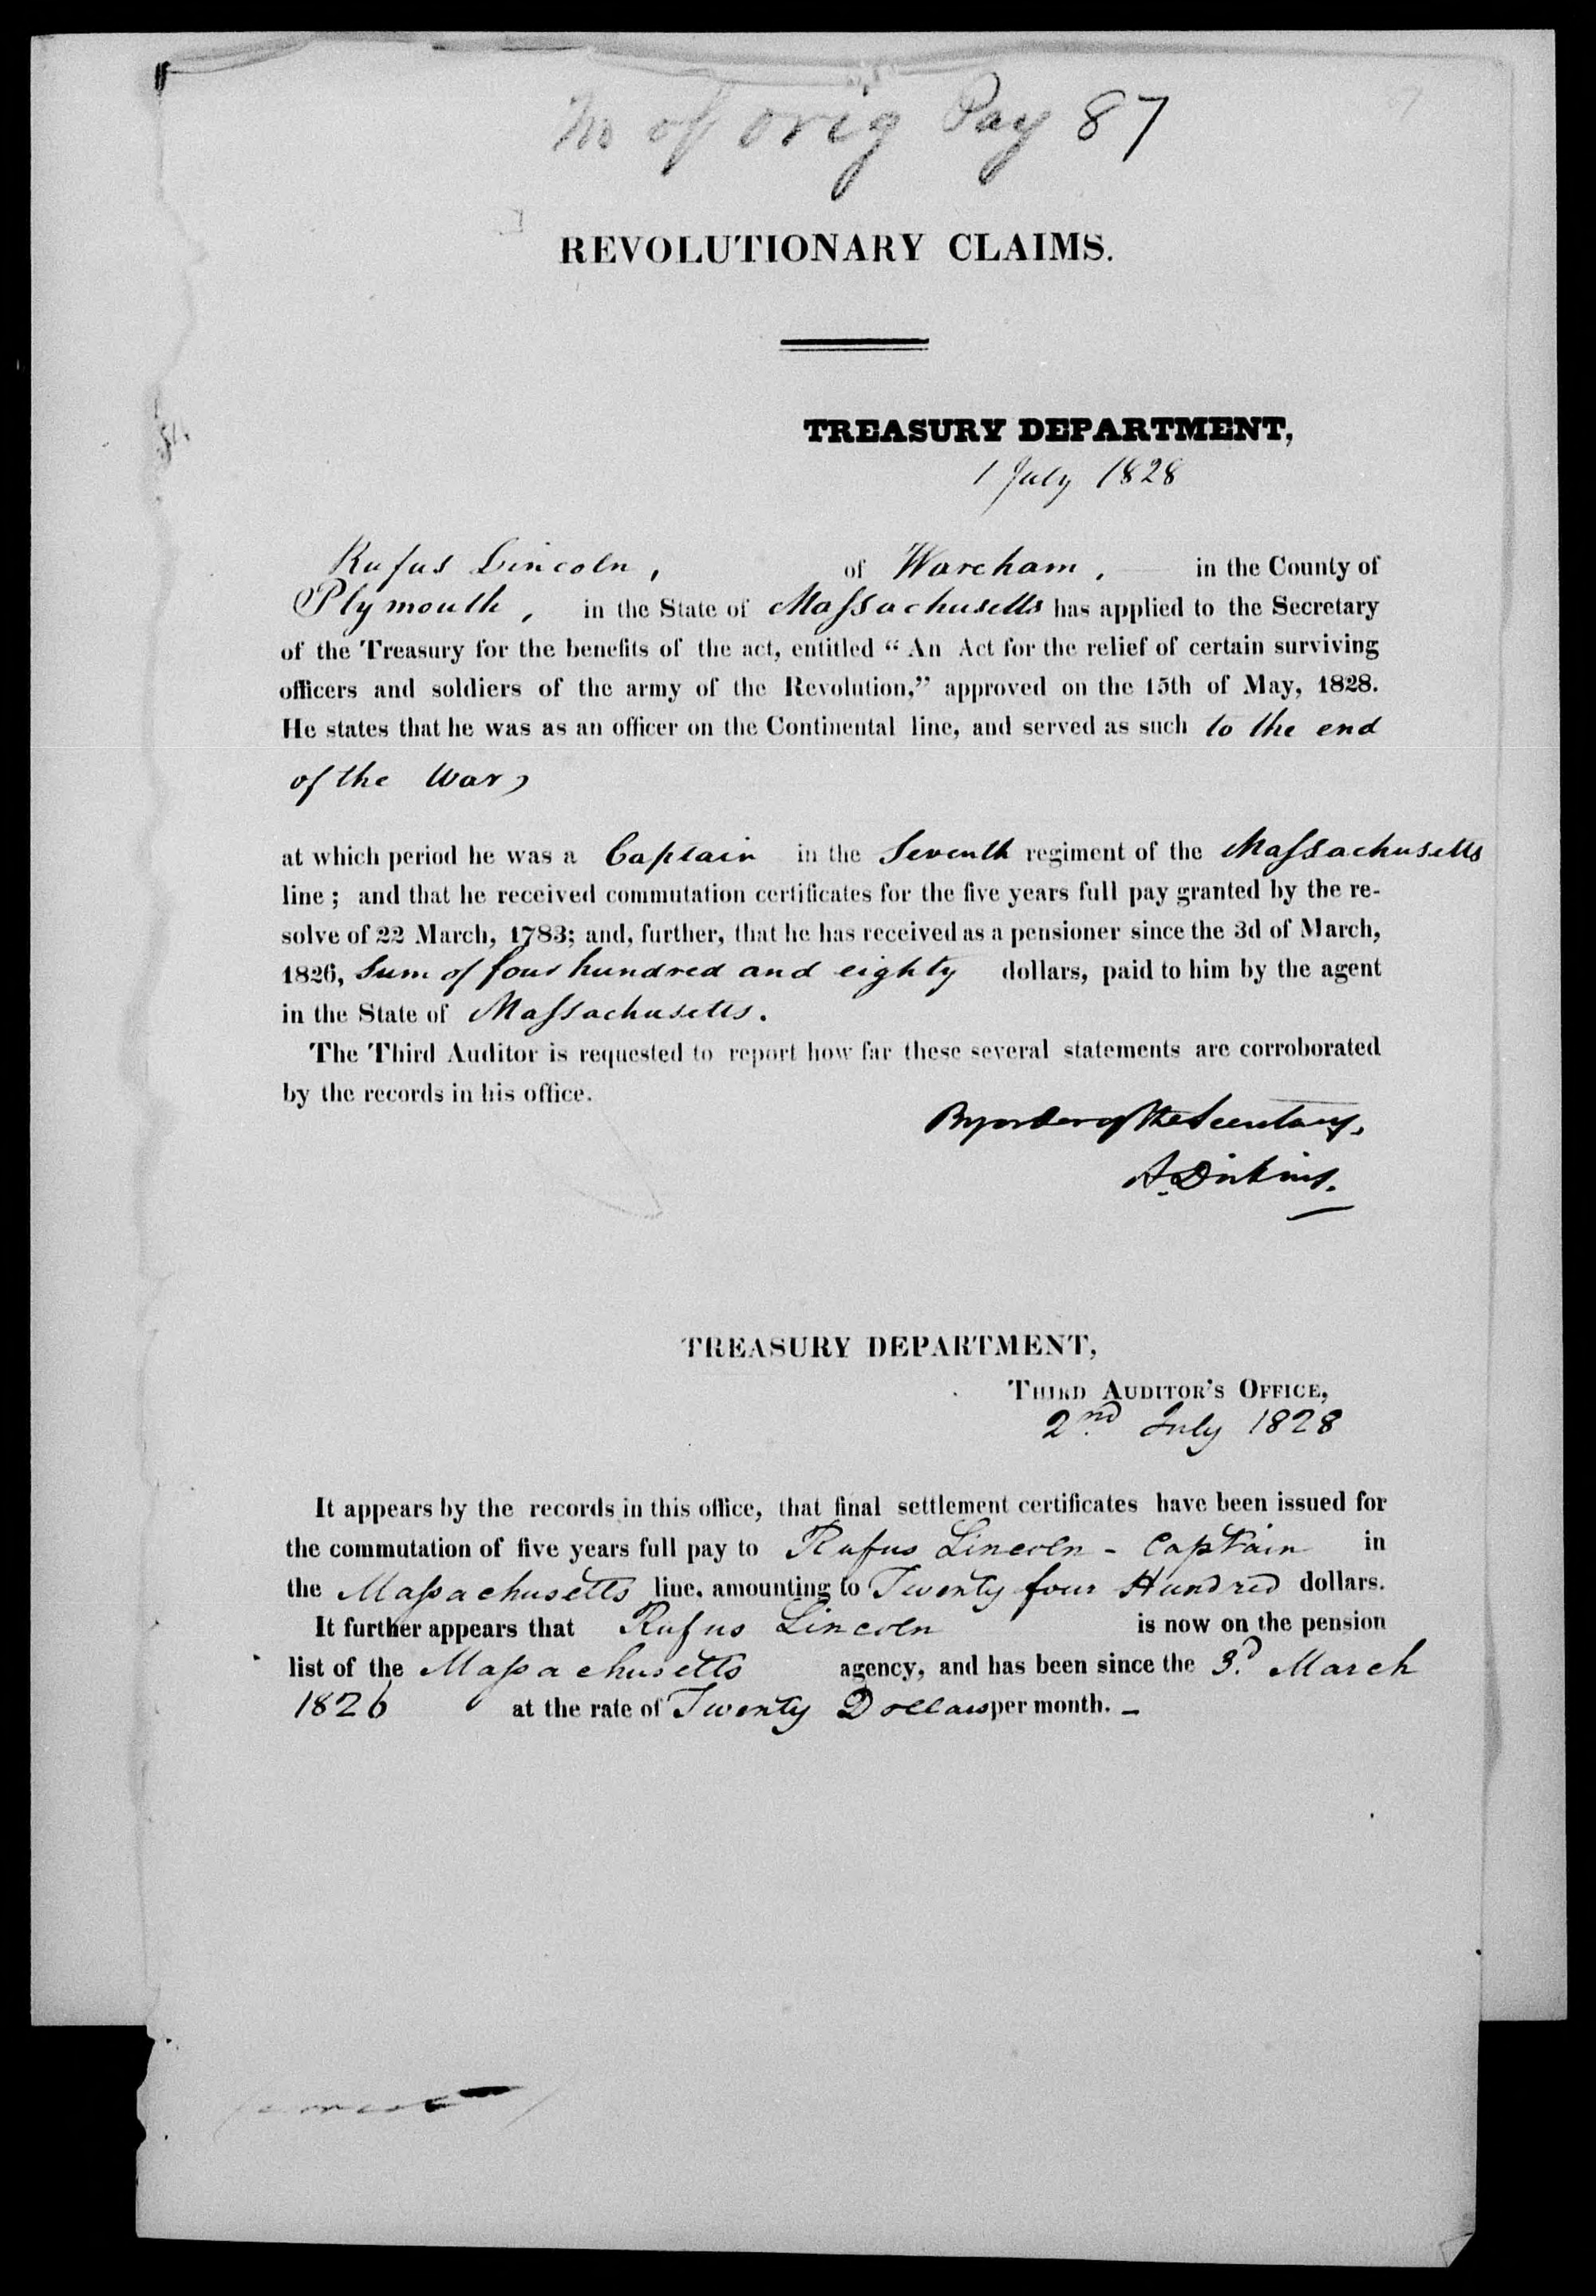No of orig. Pay 87
REVOLUTIONARY CLAIMS.
TREASURY DEPARTMENT,
1 July 1828
of
Rufus Lincoln, of Wareham in the County of Plymouth in the State of Massachusetts has applied to the Secretary of the Treasury for the benefits of the act, entitled ""An Act for the relief of certain surviving officers and soldiers of the army of the Revolution,” approved on the 15th of May, 1828. He states that he was as an officer on the Continental line, and served as such to the end of the War,
at which period he was a Captain in the Seventh regiment of the Massachusetts
line; and that he received commutation certificates for the five years full pay granted by the resolve of 22 March, 1783; and, further, that he has received as a pensioner since the 3d of March, 1826, sum of four hundred and eighty dollars, paid to him by the agent
in the State of Massachusetts.
The Third Auditor is requested to report how far these several statements are corroborated
by the records in his office.
By order of the Secretary
A. Dinkins

TREASURY DEPARTMENT,
THIRD AUDITOR'S OFFICE,
2nd July 1828
It appears by the records in this office, that final settlement certificates have been issued for the commutation of five years full pay to Rufus Lincoln - Captain in the Massachusetts line, amounting to Twenty four Hundred dollars.
It further appears that Rufus Lincoln is now on the pension list of the Massachusetts agency, and has been since the 3rd March 1826
at the rate of Twenty Dollars per month.-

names: A Dickins; Rufus Lincoln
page: 57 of 82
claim: widow's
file: W. 13,634, for Rufus Lincoln, Massachusetts